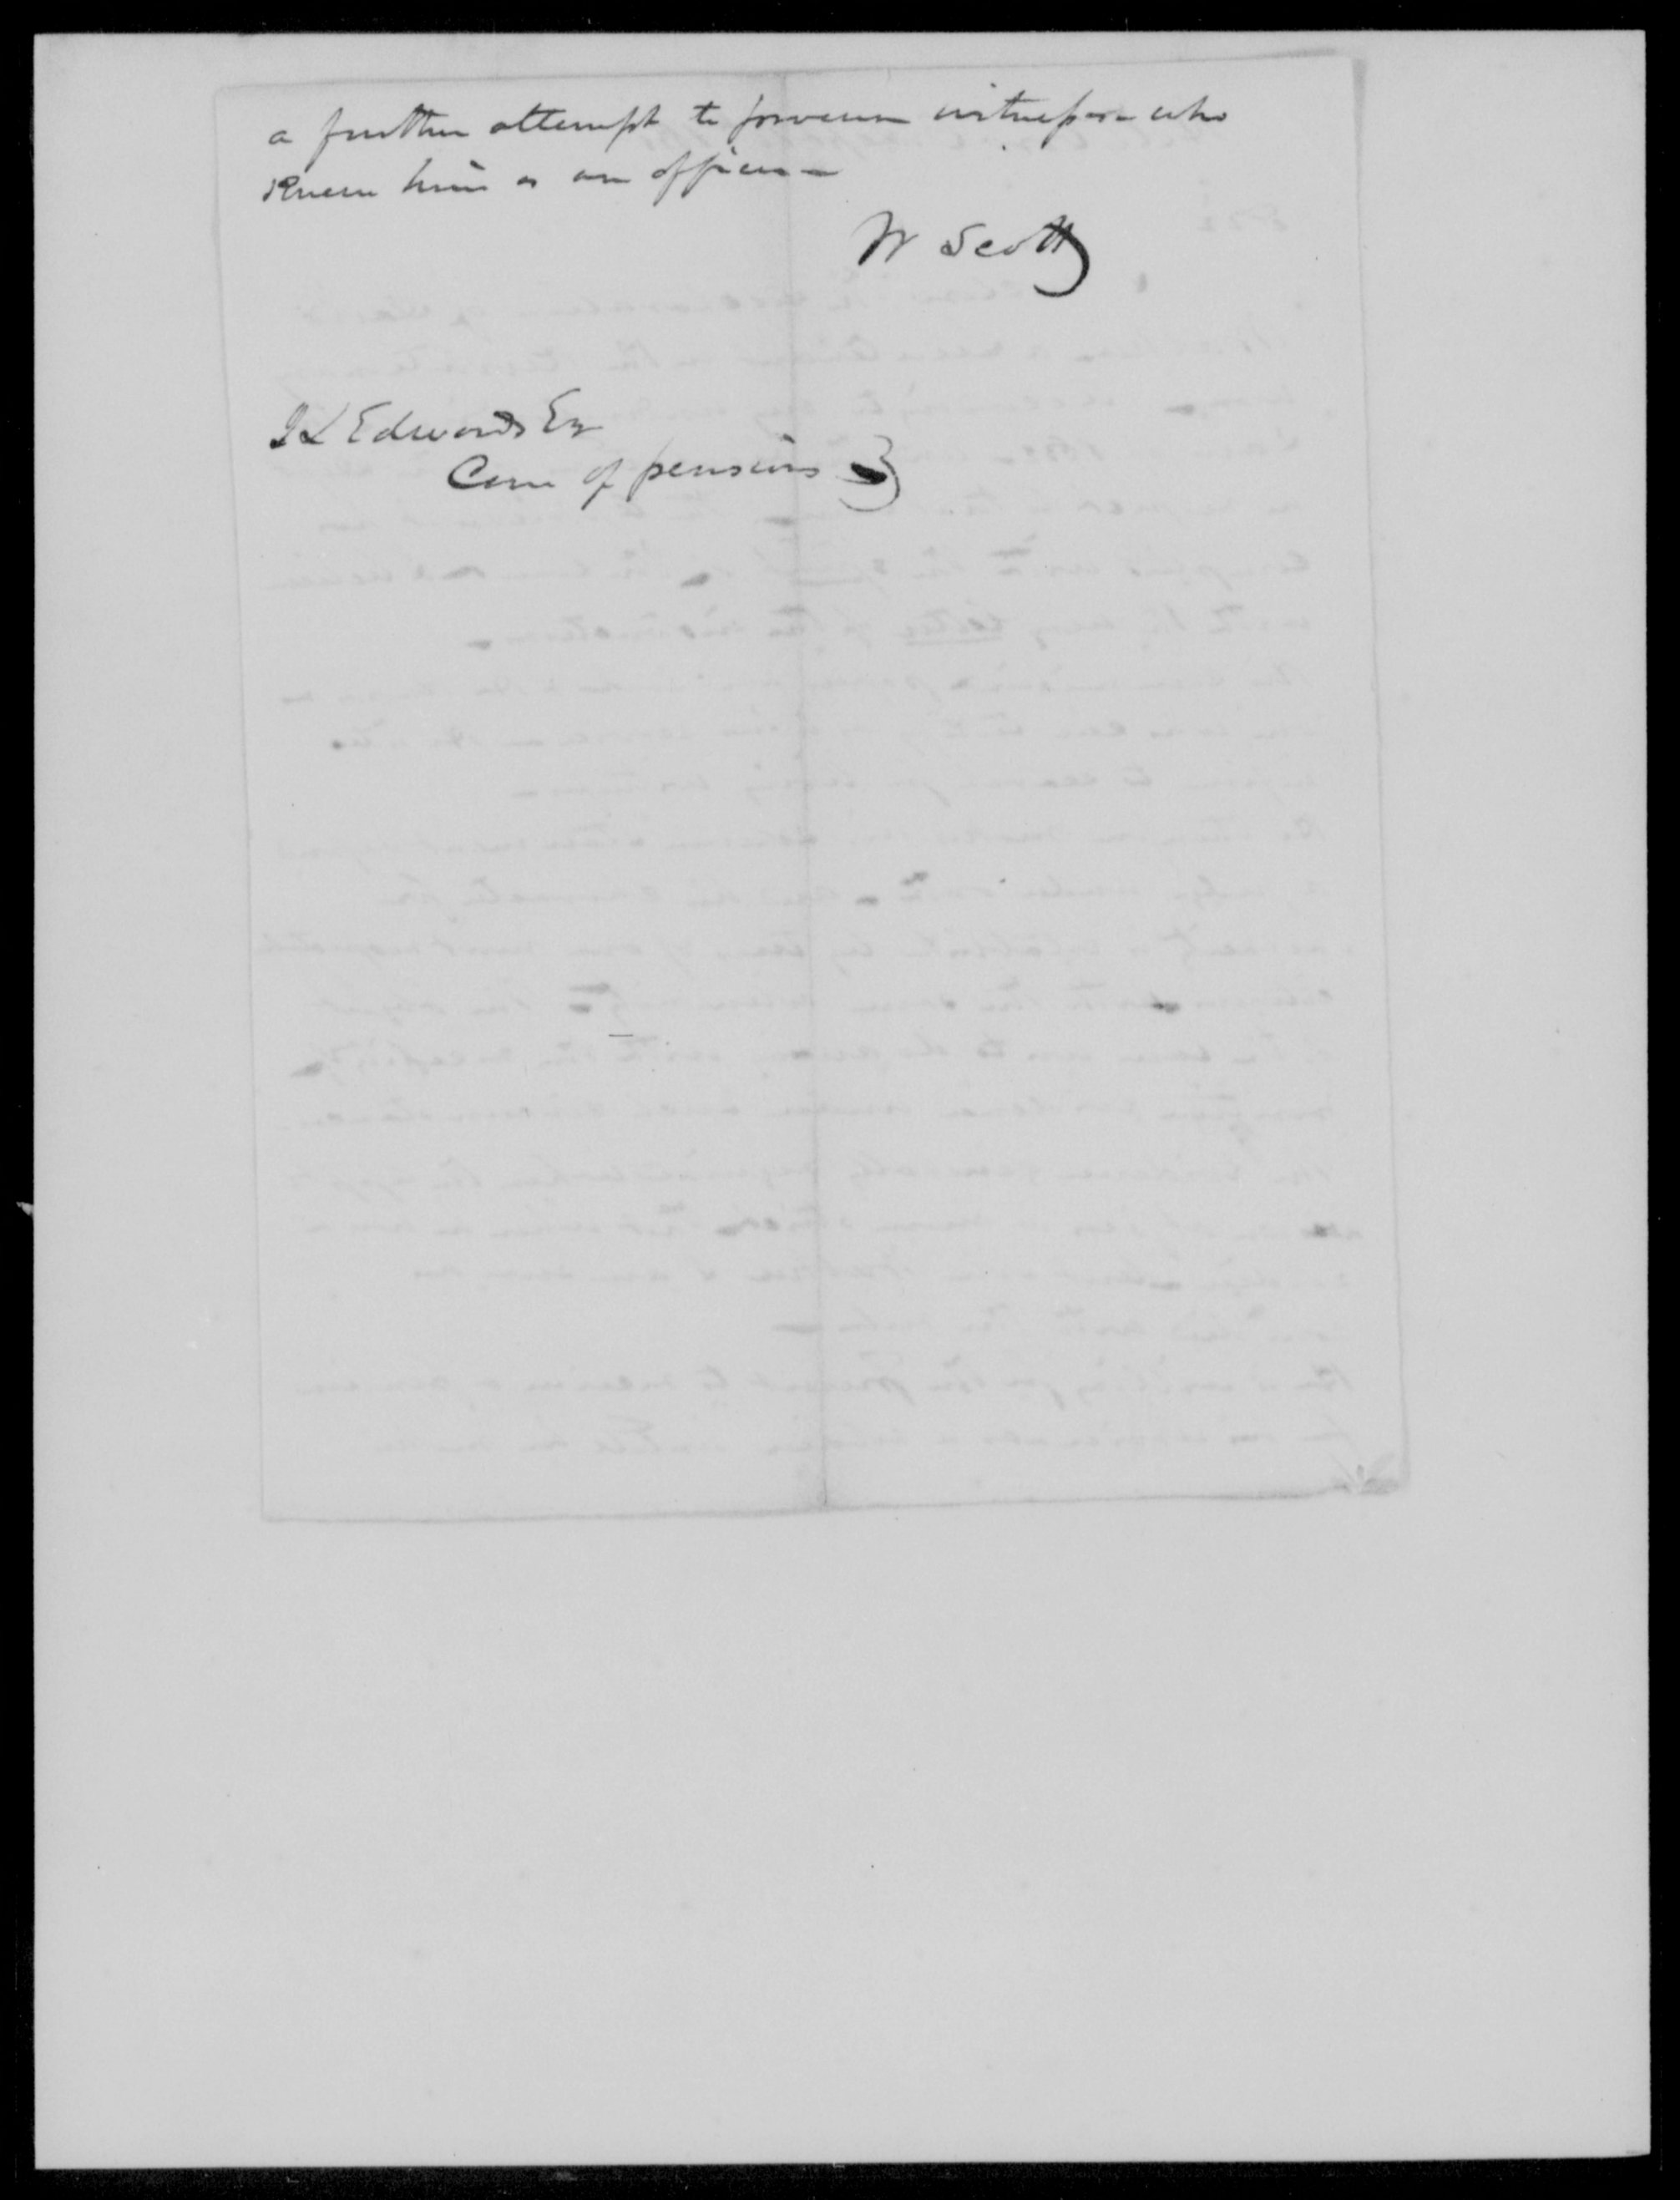A further attempt to prove witness who knew him as an officer.
W. Scott

J. L. Edwards Esq.
Commissioner of Pensions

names: J L Edwards, W Scott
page: 26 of 37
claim: rejected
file: R. 11047, David Walker, N.C.